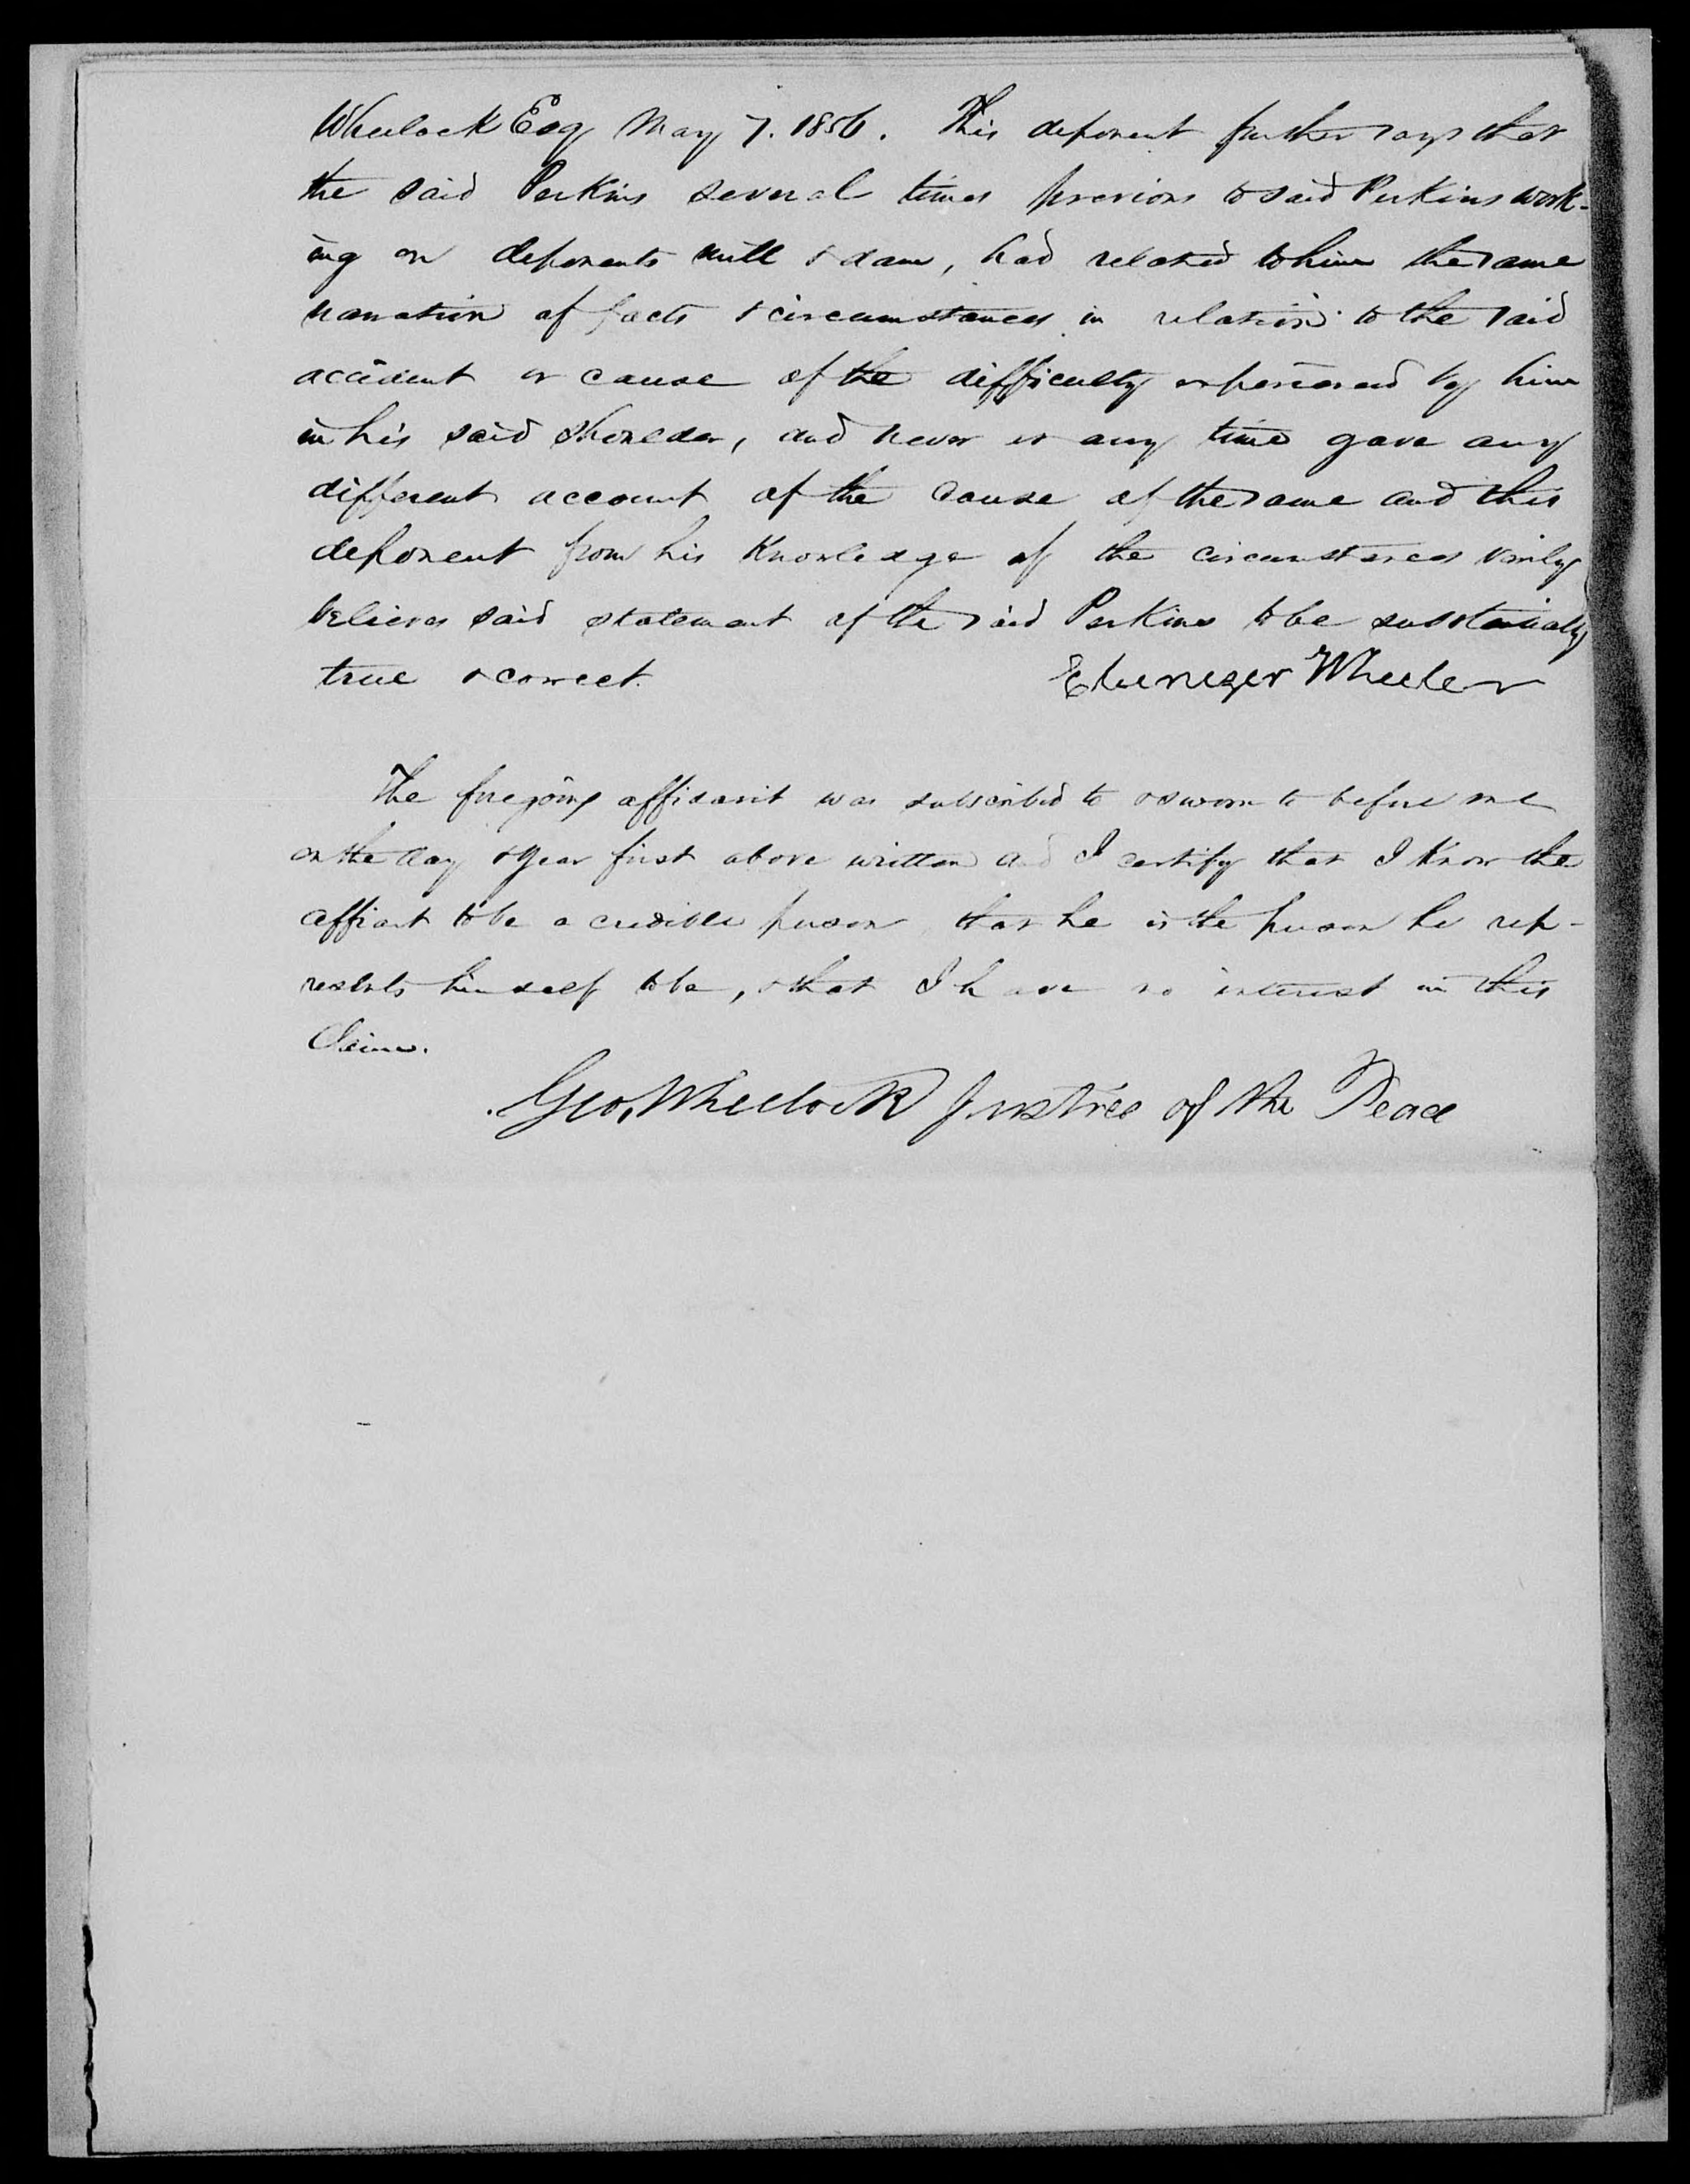Wheelock Esq May 7. 1856. This deponent further says that the said Perkins several times previous to said Perkins working on deponents mill & dam, had related to him the same narration of facts & circumstances in relation to the said accident or cause of the difficulty experienced by him in his said shoulder, and never at any time gave any different account of the cause of the same and this deponent from his knowledge of the circumstances verily believes said statement of the said Perkins to be substantially true & correct. 
[signed] Ebenezer Wheeler 

The foregoing affidavit was subscribed to & sworn to before me on the day & year first above written and I certify that I know the affiant to be a credible person that he is the person he represents himself be, & that I have no interest in this claim.
[signed] Geo. Wheelock Justice of the Peace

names: Ebenezer Wheeler; Geo Wheelock; [BLANK] Perkins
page: 10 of 44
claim: rejected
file: R. 17,033, for Joseph Perkins, New York